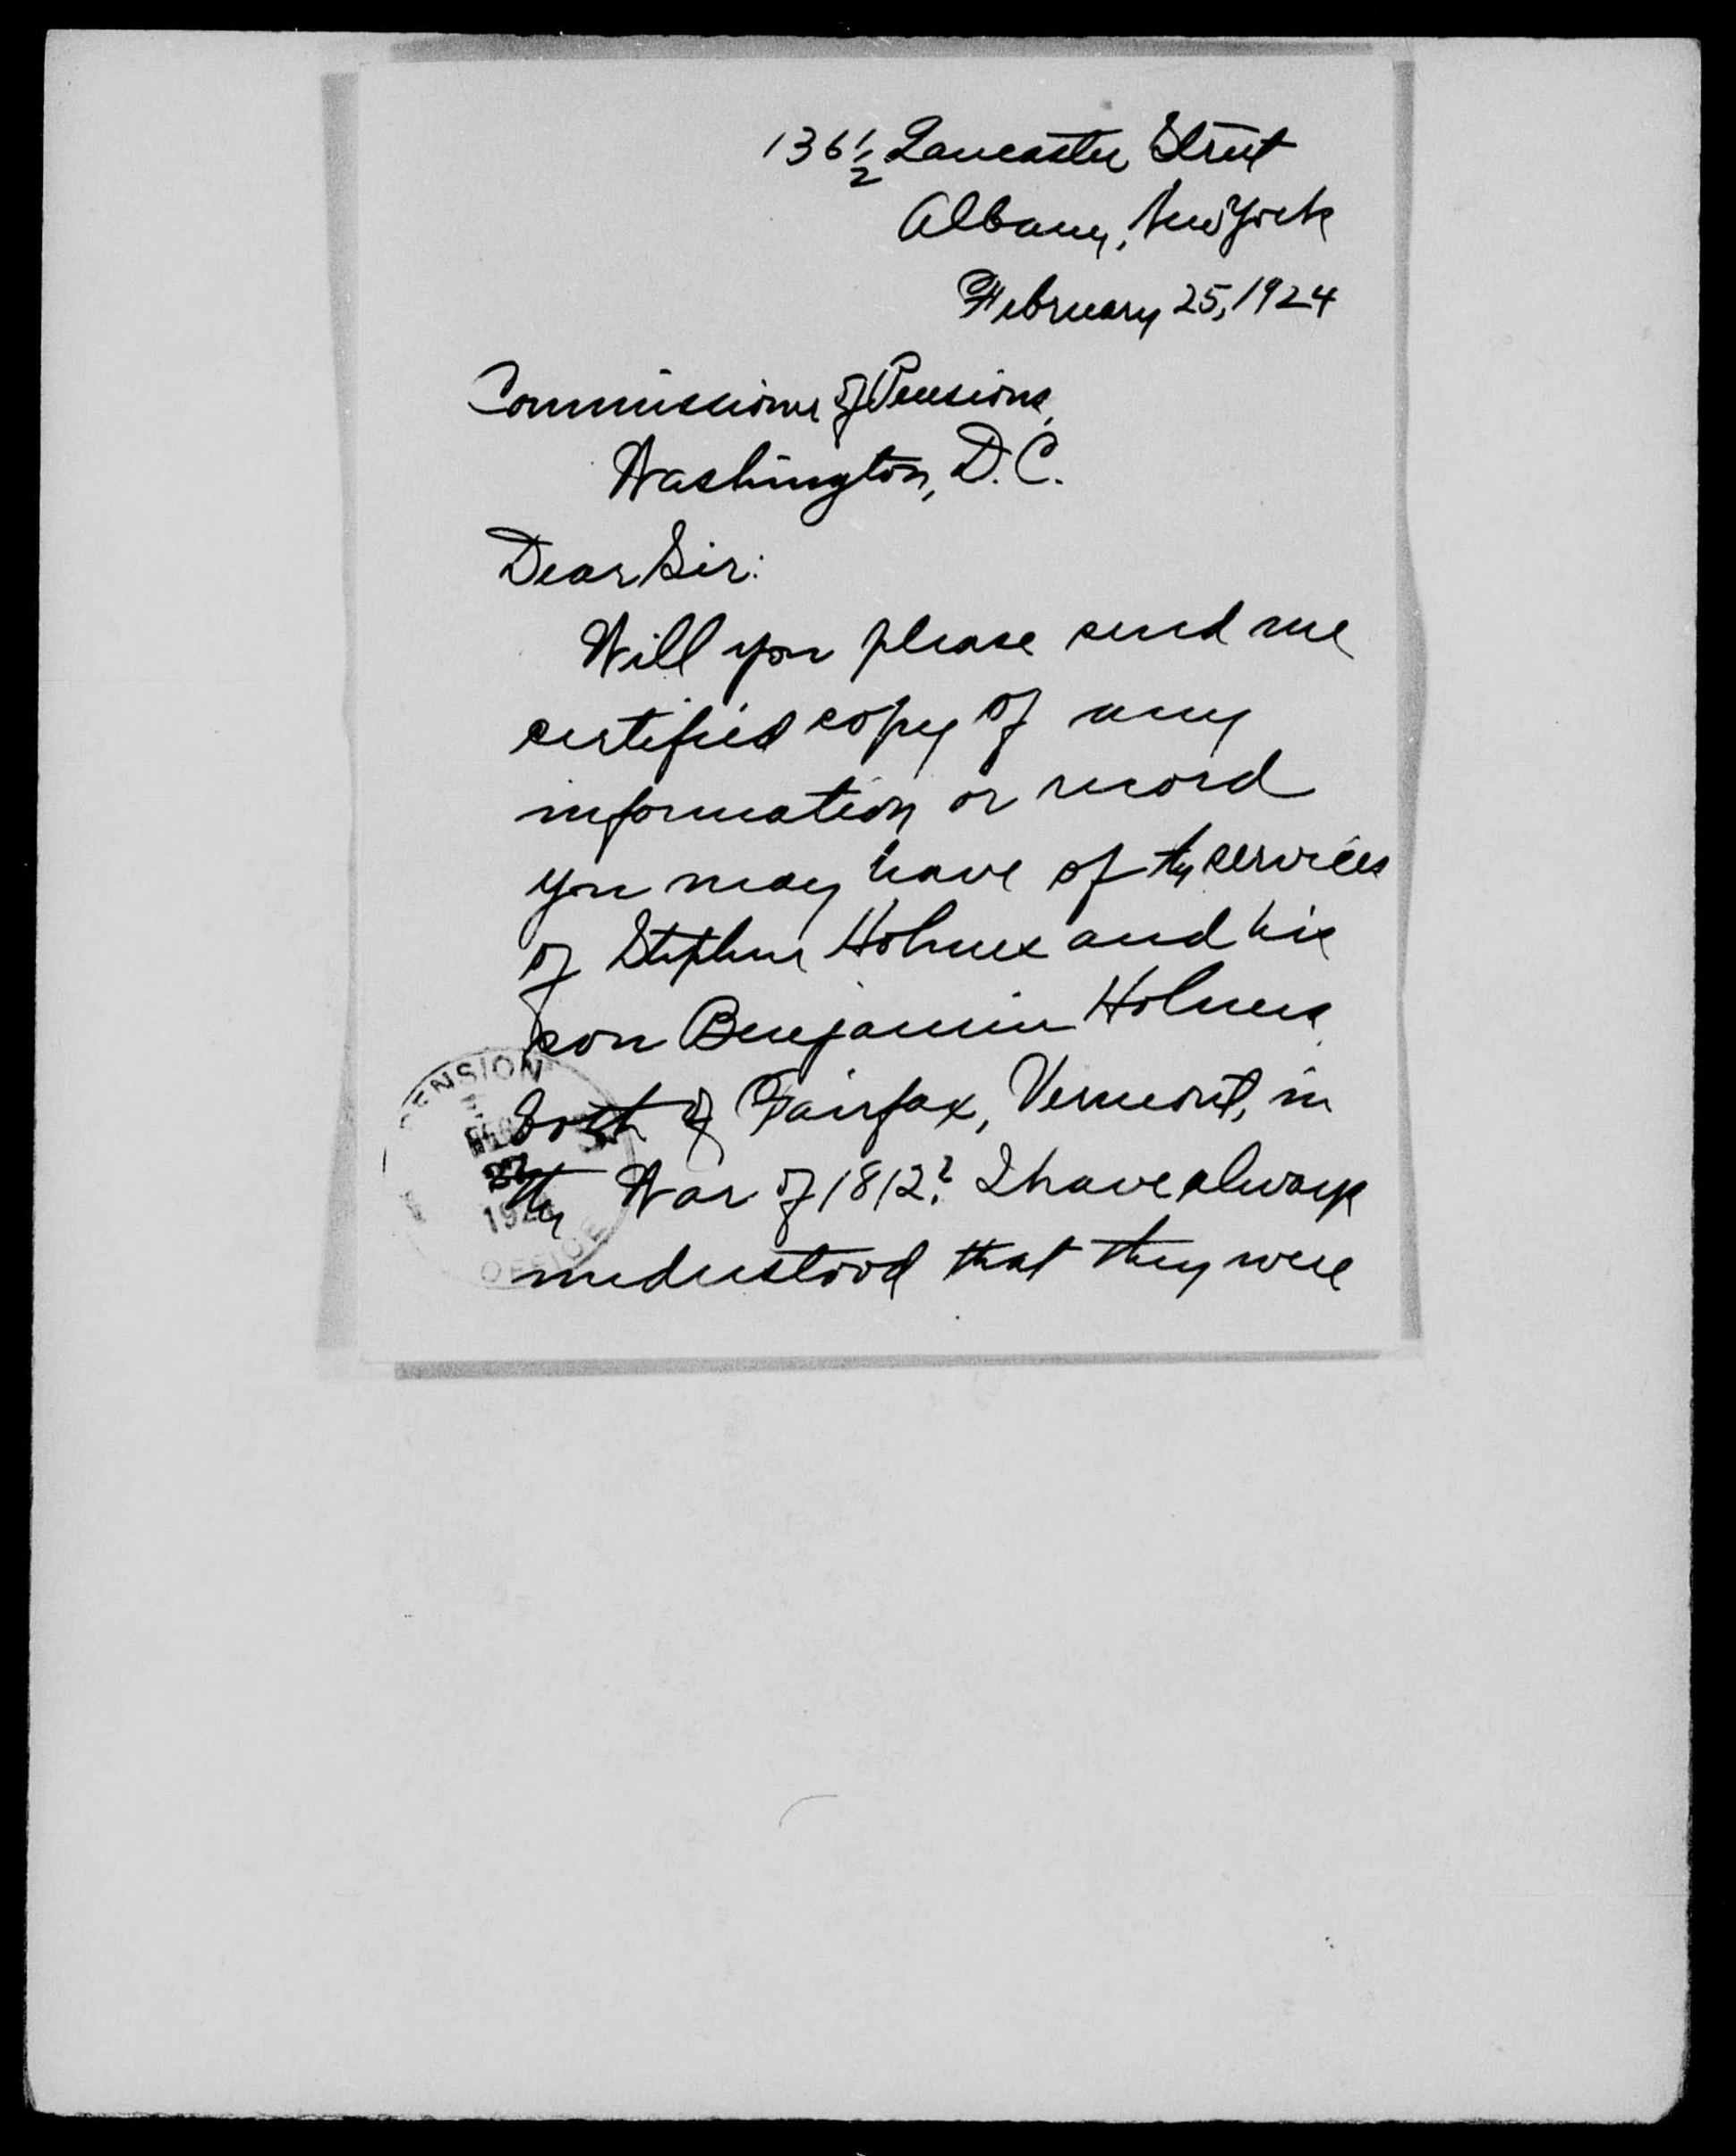136 1/2 Lancaster Street
Albany, New York
February 25, 1924

Commissioner of Pensions
Washington, D. C.

Dear Sir:

Will you please send me certified copy of any information or record you may have of the services of Stephen Holmes and his son Benjamin Holmes both of Fairfax, Vermont, in the year of 1812? I have always understood that they were

[illegible stamp mark]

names: Benjamin Holmes, Stephen Holmes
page: 59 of 72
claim: widow's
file: W. 7771, Stephen Holmes, Vt.